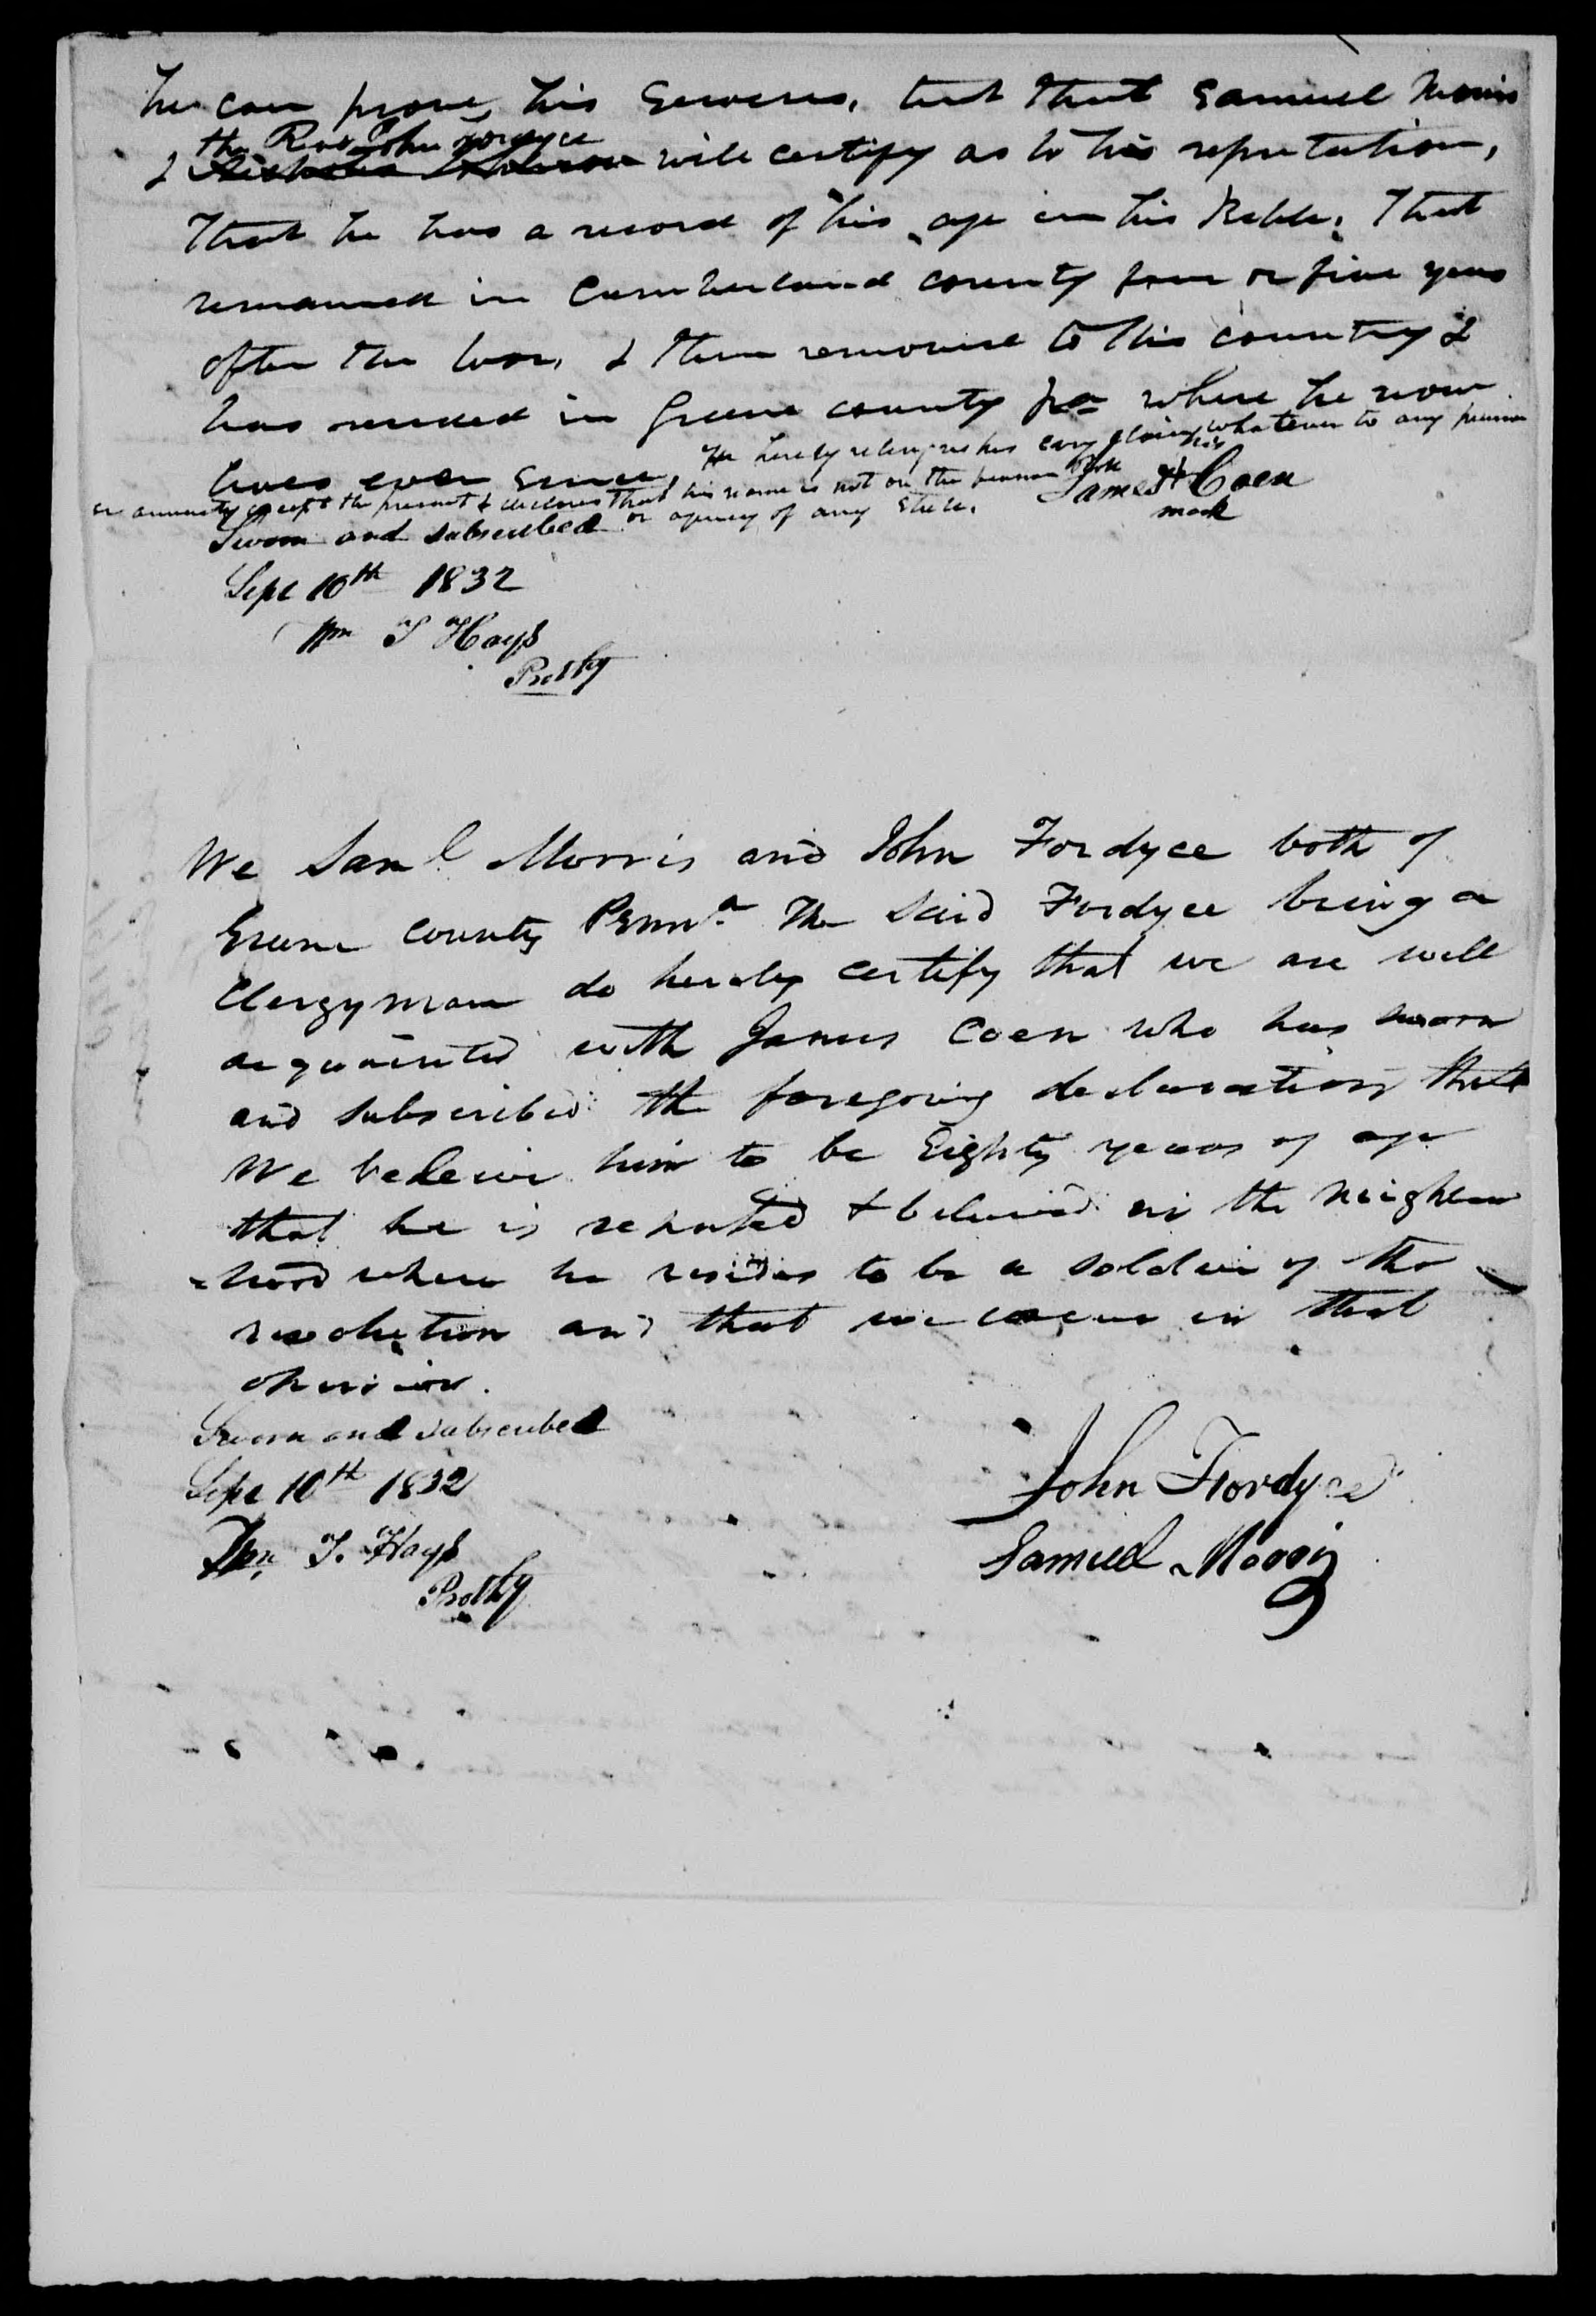(Testimony starts on page 6 and ends here)
he can prove his services, but that Samuel Morris
& the Rev. John Fordyce will certify as to his reputation.
That he has a record of his age in his Bible.  That 
remained in Cumberland County four or five years 
after the war & then (moved?) to this county &
has remained in Greene county for where he now
lives ever since.  He hereby relinquishes his every claim whatever to any pension
or annuity except the present & declares that his name is not on the pension roll or agency of any state.
Sworn and Subscribed,      James Coen         
 Sept 10th 1832
Wm. T. Hays
Prothy

We Saml Morris and John Fordyce both of 
Greene County Penna. The said Fordyce being a
clergyman do hereby certify that we are well
acquainted with James Coen who has sworn 
and subscribed the foregoing declaration that
we believe him to be eighty years of age
that he is {illegible} & he lives in the neighbor-
hood where he resides, to be a solder of the
revolution and that (illegible) in that
(illegible)
Sworn and Subscribed      John Fordyce
Sept 10th 1832                   Samuel Morris
Wm. T. Hays
Prothy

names: Wm T Hays, James Coen, Wm T Hays, James Coen, John Fordyce, Samuel Morris, Saml Morris, Morris, Fordyce, John Fordyce, John Fordyce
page: 6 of 9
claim: survivor's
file: S. 2139, James Coen, Penn.